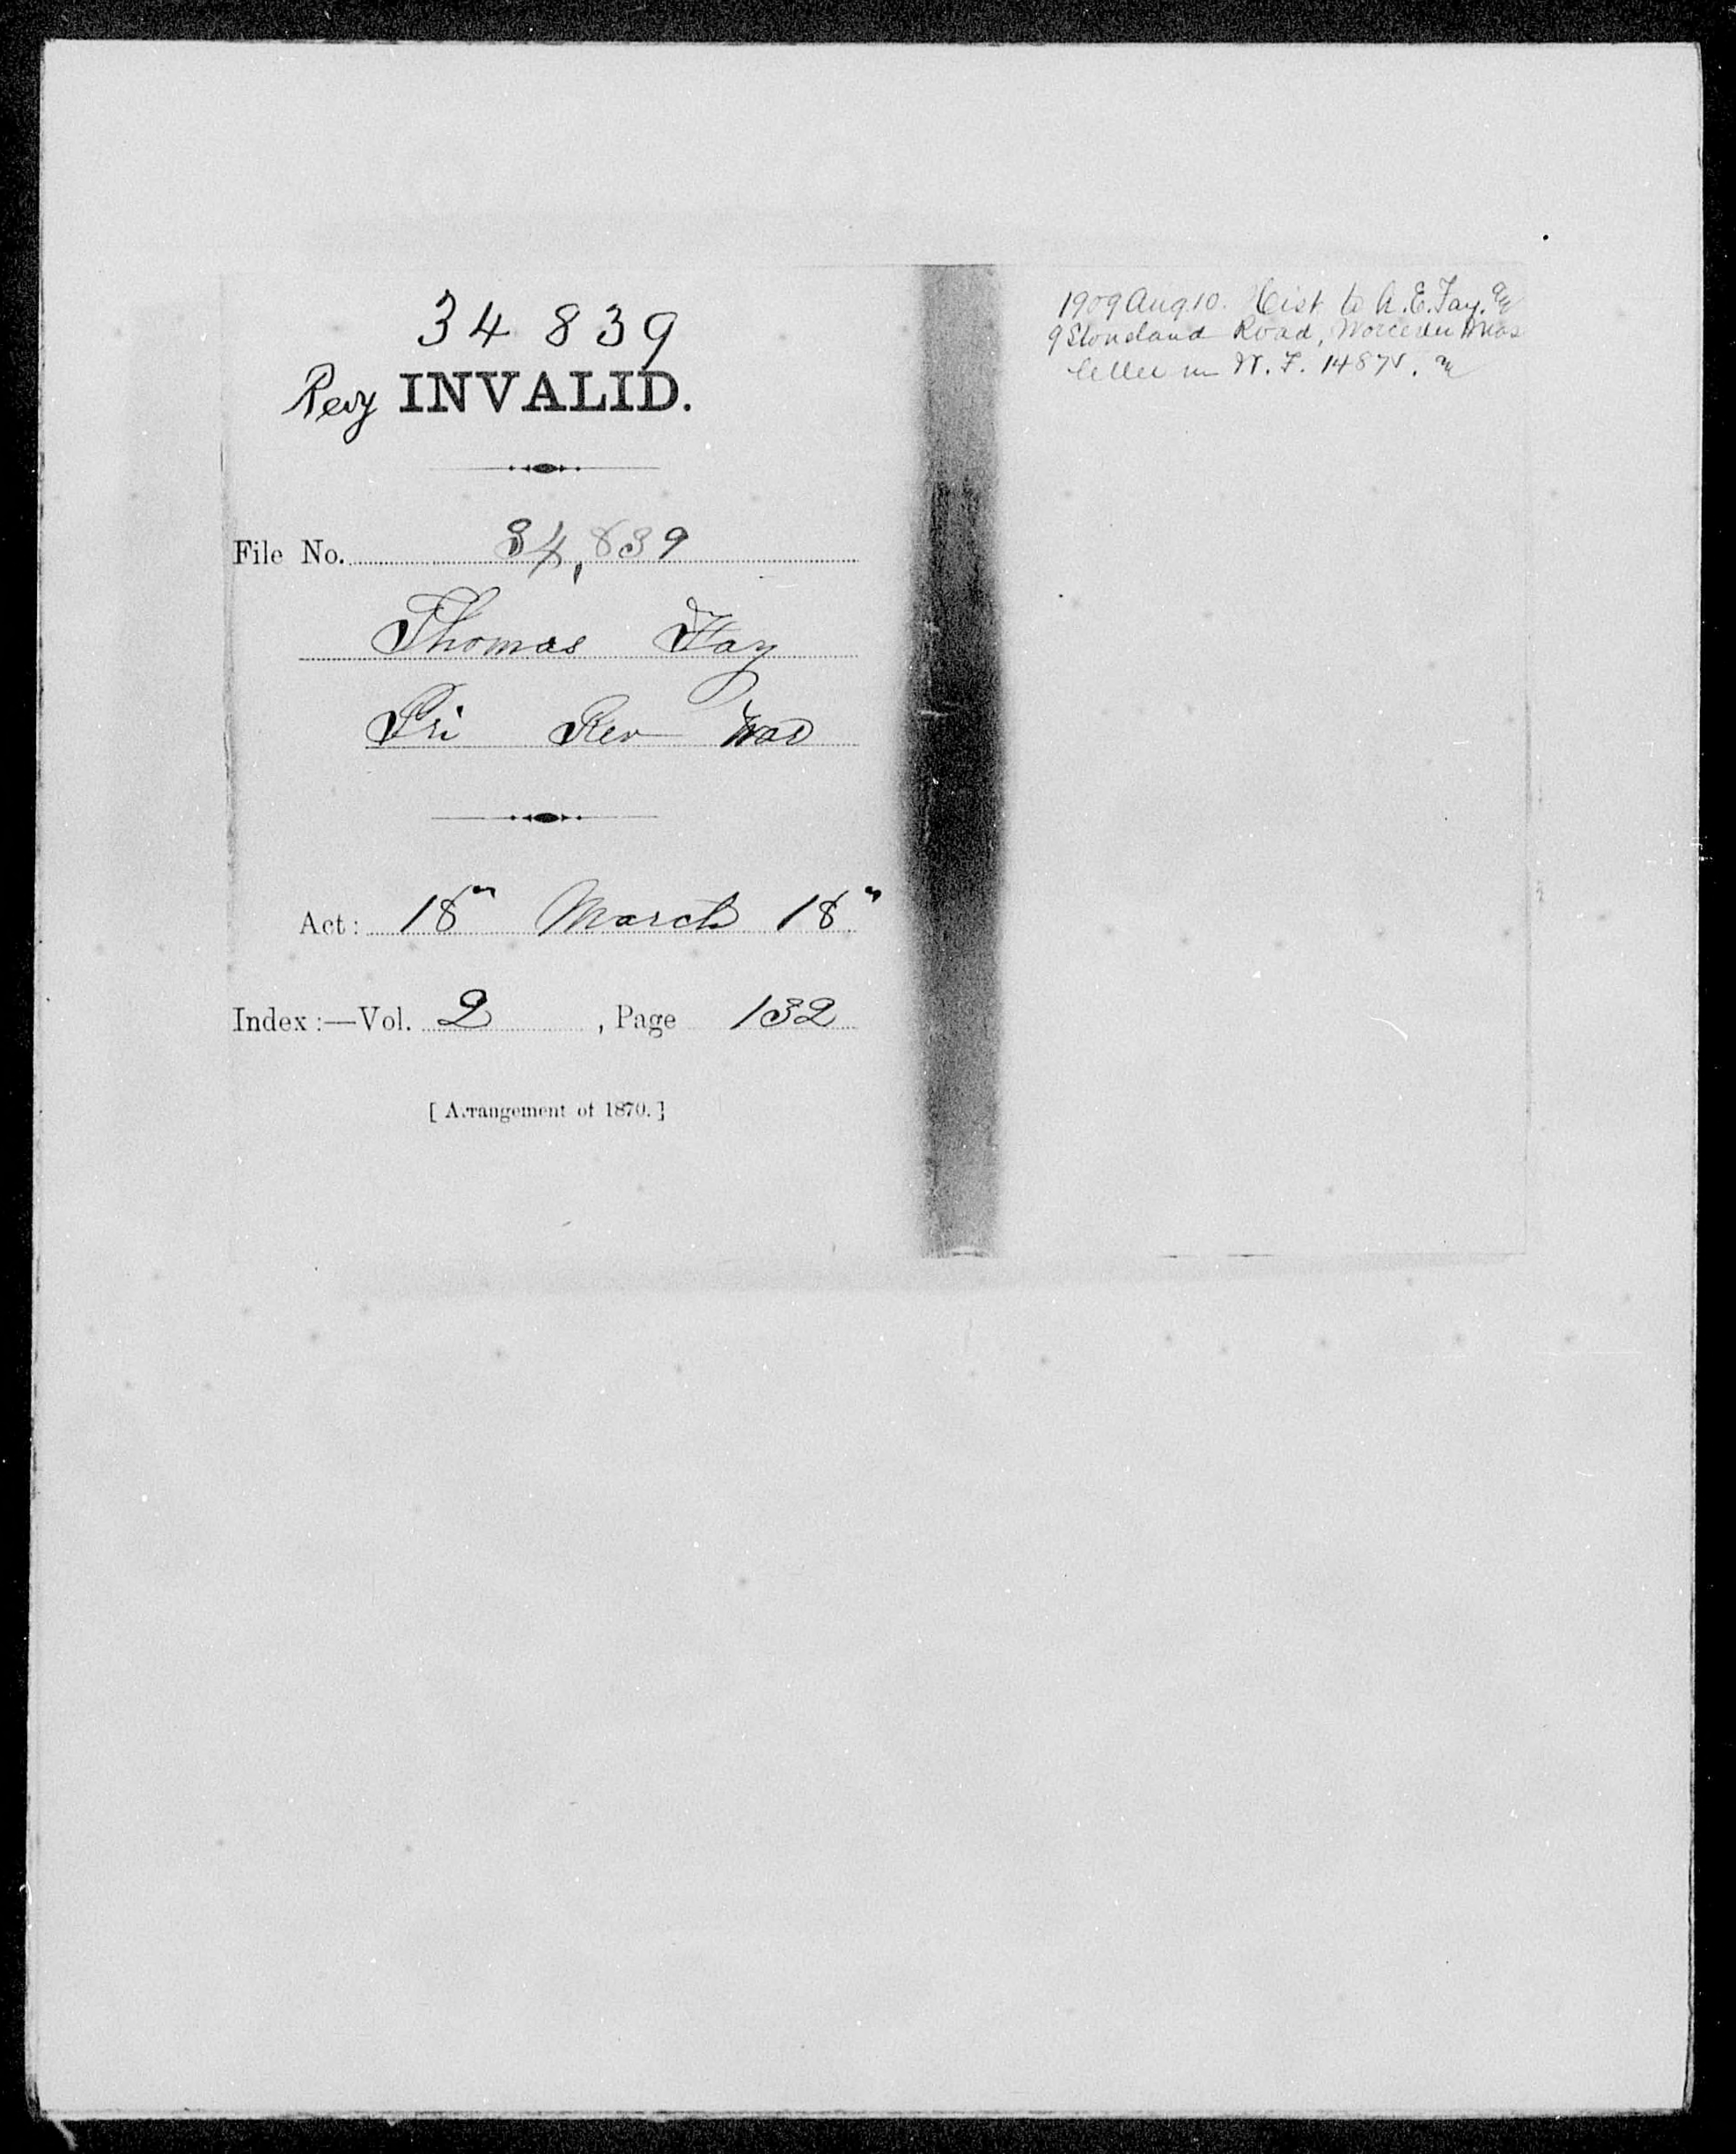34839
Rev
INVALID

File No. 34, 839
Thomas Fay
Pri Rev War

Act:  18 March 18"
Index: - Vol. 2 Page 132

[Arrangement of 1870.]

[Text on right side of document]
1909 Aug. 10  Hist to A.E. Fay 
9 Stoneland Road
Worcester Mass

letter to W.F. 17875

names: Thomas Fay, A E Fay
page: 13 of 31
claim: survivor's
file: S. 34,839, Thomas Fay, Mass.